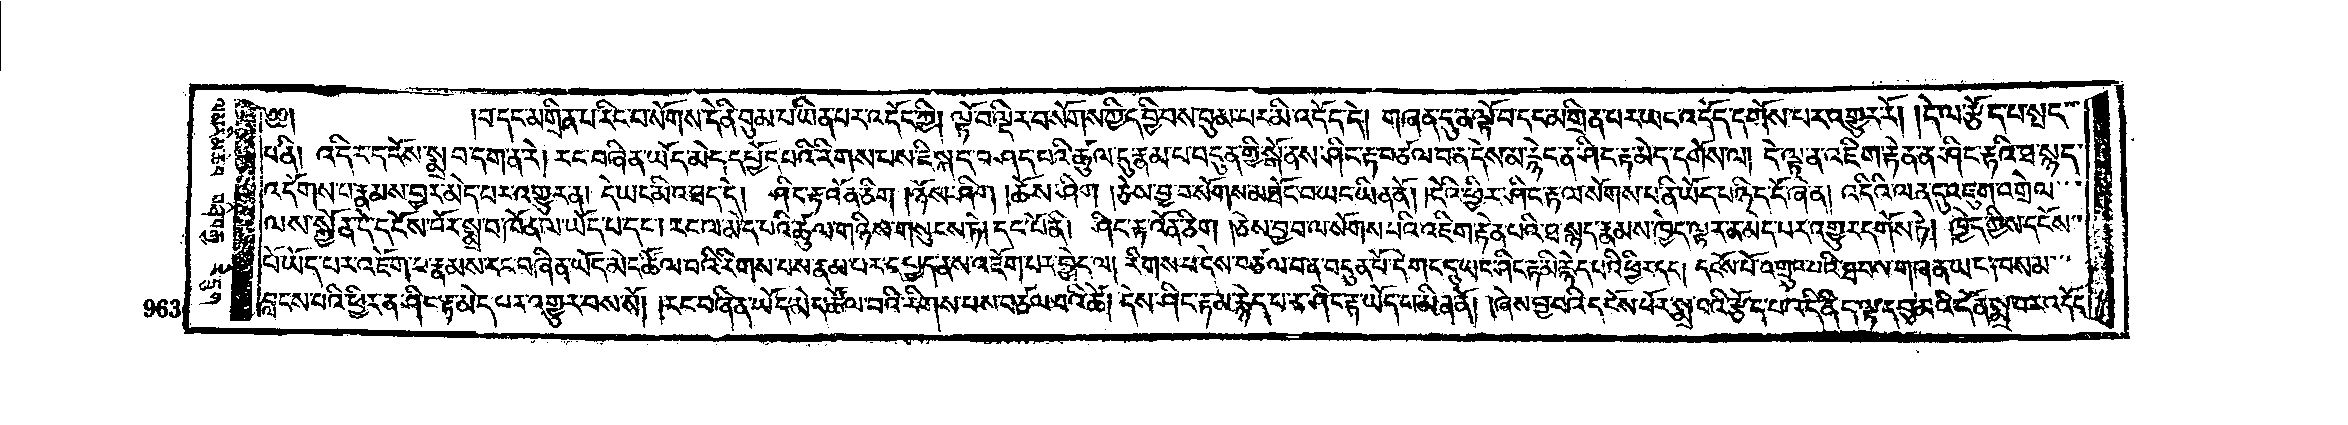༄༅། །བ་དང་མགྲིན་པ་རིང་བ་སོགས་དེ་ནི་བུམ་པ་ཡིན་པར་འདོད་ཀྱི། ལྟོ་བ་ལྡིར་བ་སོགས་ཀྱི་དབྱིབས་བུམ་པར་མི་འདོད་དེ། གཞན་དུ་ན་ལྟོ་བ་དང་མགྲིན་པར་ཡང་འདོད་དགོས་པར་འགྱུར་རོ། །དེ་ལ་རྩོད་པ་སྤང་
བ་ནི༑ འདིར་དངོས་སྨྲ་བ་དག་ན་རེ། རང་བཞིན་ཡོད་མེད་དཔྱོད་པའི་རིགས་པས་ཇི་སྐད་བཤད་པའི་ཚུལ་དུ་རྣམ་པ་བདུན་གྱི་སྒོ་ནས་ཤིང་རྟ་བཙལ་བ་ན་དེས་མ་རྙེད་ན་ཤིང་རྟ་མེད་དགོས་ལ། དེ་ལྟ་ན་འཇིག་རྟེན་ན་ཤིང་རྟའི་ཐ་སྙད་
འདོགས་པ་རྣམས་བྱར་མེད་པར་འགྱུར་ན། དེ་ཡང་མི་འཐད་དེ། ཤིང་རྟ་འོན་ཅིག །ཉོས་ཤིག །ཧོས་ཤིག །ཅེས་བྱ་བ་སོགས་མཐོང་བ་ཡང་ཡིན་ནོ། །དེའི་ཕྱིར་ཤིང་རྟ་ལ་སོགས་པ་ནི་ཡོད་པ་ཉིད་དོ་ཞེ་ན། འདིའི་ལན་དུ་འཇུག་འགྲེལ་
ལས་སྐྱོན་དེ་དངོས་པོར་སྨྲ་བ་ཁོ་ན་ལ་ཡོད་པ་དང་། རང་ལ་མེད་པའི་ཚུལ་གཉིས་གསུངས་ཏེ། དང་པོ་ནི། ཤིང་རྟ་འོན་ཅིག །ཅེས་བྱ་བ་ལ་སོགས་པའི་འཇིག་རྟེན་པའི་ཐ་སྙད་རྣམས་ཁྱེད་ལྟར་ན་མེད་པར་འགྱུར་དགོས་ཏེ། ཁྱེད་ཀྱིས་དངོས་
པོ་ཡོད་པར་འཇོག་པ་རྣམས་རང་བཞིན་ཡོད་མེད་ཚོལ་བའི་རིགས་པས་རྣམ་པར་དཔྱད་ནས་འཇོག་པར་བྱེད་ལ། རིགས་པ་དེས་བཙལ་བ་ན་བདུན་པོ་དེ་གང་དུ་ཡང་ཤིང་རྟ་མི་རྙེད་པའི་ཕྱིར་དང་། དངོས་པོ་འགྲུབ་པའི་ཐབས་གཞན་ཡང་ཁས་མ་
བླངས་པའི་ཕྱིར་ན་ཤིང་རྟ་མེད་པར་འགྱུར་བས་སོ། །རང་བཞིན་ཡོད་མེད་ཚོལ་བའི་རིགས་པས་བཙལ་བའི་ཚེ། དེས་ཤིང་རྟ་མ་རྙེད་པ་ན་ཤིང་རྟ་ཡོད་པ་མིན་ནོ། །ཞེས་བྱ་བའི་དངོས་པོར་སྨྲ་བའི་རྩོད་པ་འདི་ནི་ད་ལྟ་དབུ་མའི་དོན་སྨྲ་བར་འདོད་